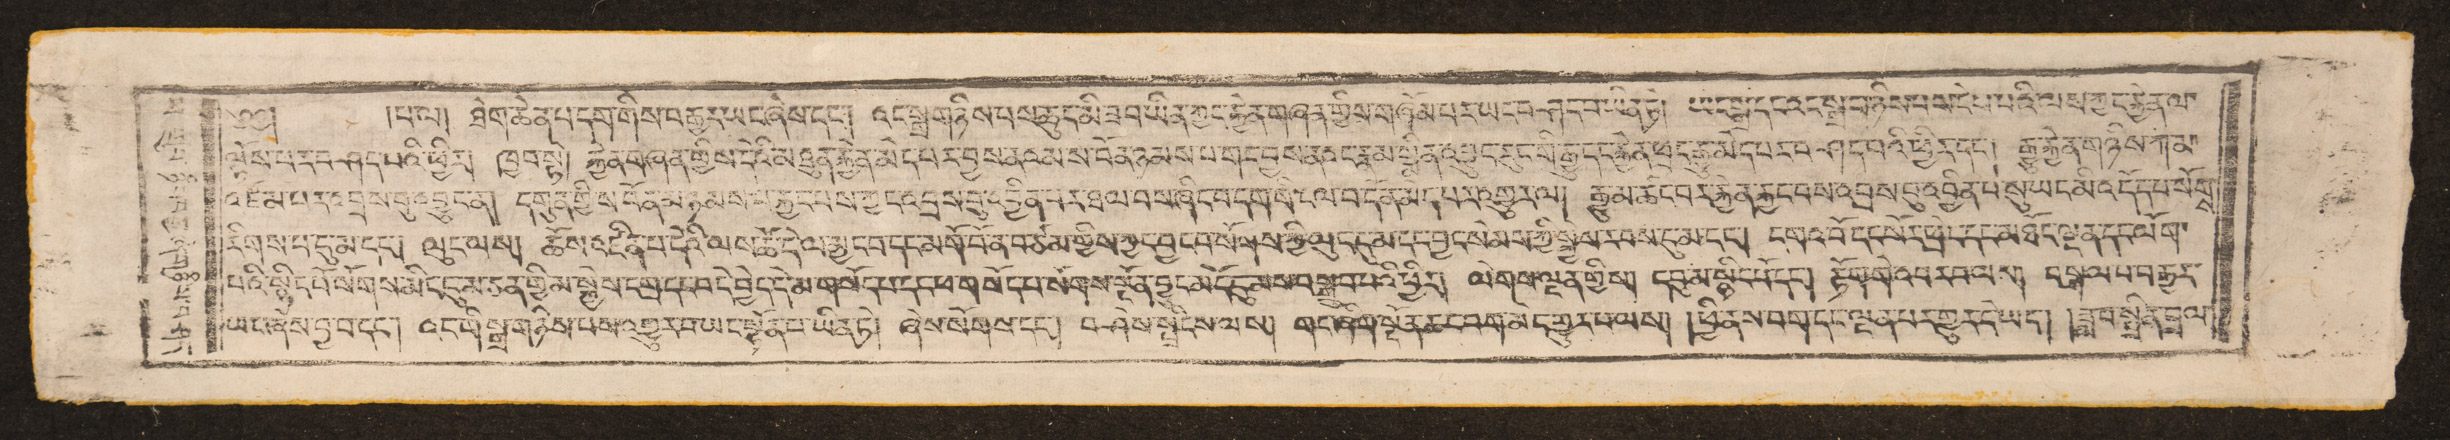༄༅། །པ་ལ། ཐེག་ཆེན་པ་དག་གིས་བརྒྱར་ཡང་ཞེས་དང་། འང་སྒྲ་གཉིས་པས་ཆུད་མི་ཟབ་ཡིན་ཀྱང་རྐྱེན་གཞན་གྱིས་གཞོམ་པར་ཡང་བཤད་པ་ཡིན་ཏེ། ཡང་སྒྲ་དང་འང་སྒྲ་གཉིས་པས་ངེས་པའི་ལས་ཀྱང་རྐྱེན་ལ་
ལྟོས་པར་བཤད་པའི་ཕྱིར། ཁྱབ་སྟེ། རྐྱེན་གཞན་གྱིས་དེའི་མཐུན་རྐྱེན་མེད་པར་བྱས་ནའམ་ས་བོན་ཉམས་པ་གང་བྱས་ནའང་རྣམ་སྨིན་འབྱུང་རུང་གི་རྒྱུ་དང་རྐྱེན་ཕྲང་རྒྱུ་མེད་པར་བཤད་པའི་ཕྱིར་དང་། རྒྱུ་རྐྱེན་གཉིས་ཀ་མ་
འཛོམ་པར་འབྲས་བུ་འབྱུང་ན། དགུན་གྱི་ས་བོན་མ་ཉམས་པ་རྐྱང་པས་ཀྱང་འབྲས་བུ་འབྱིན་པར་ཐལ་བས་ཞིང་བདག་གི་ངལ་བ་དོན་མེད་པར་འགྱུར་ལ། རྒྱུ་མ་ཚང་བར་རྐྱེན་རྐྱང་བས་འབྲས་བུ་འབྱིན་པ་སུ་ཡང་མི་འདོད་པ་སོགས་
རིགས་པ་དུ་མ་དང་། ལུང་ལས། ཆོས་འཛིན་པ་དེའི་ལས་ཚེ་དེ་ལ་མྱང་བ་དང་མགོ་བོ་ན་བ་ཙམ་གྱིས་ཀྱང་བྱང་བ་སོགས་ཀྱི་ལུང་དུ་མ་དང་བྱང་སེམས་ཀྱི་སྐྱེས་རབས་དུ་མ་དང་། དགའ་བོ་དང་སོར་ཕྲེང་དང་མཐོང་ལྡན་དང་ལོག་
པའི་སྙིང་པོ་སོགས་མིང་དུ་མ་ཅན་གྱི་མ་སྐྱེས་དགྲ་དང་བདེ་བྱེད་དེ་མ་གསོད་པ་དང་ཕ་གསོད་བ་སོགས་སྔོན་བྱུང་མདོ་དུ་མས་བསྒྲུབ་པའི་ཕྱིར། ལེགས་ལྡན་གྱིས། དབུ་མ་སྙིང་པོ་དང་། རྟོག་གེ་འབར་བ་ལས། བསྐལ་པ་བརྒྱར་
ཡང་ཞེས་བྱ་བ་དང་། འང་གི་སྒྲ་གཉིས་པས་འགྱུར་བ་ཡང་སྟོན་པ་ཡིན་ཏེ། ཞེས་སོགས་དང་། བཤེས་སྤྲིངས་ལས། གང་ཞིག་སྔོན་ཆང་བག་མེད་གྱུར་པ་ལས། །ཕྱི་ནས་བག་དང་ལྡན་པར་གྱུར་དེ་ཡང་། །ཟླ་བ་སྤྲིན་བྲལ་